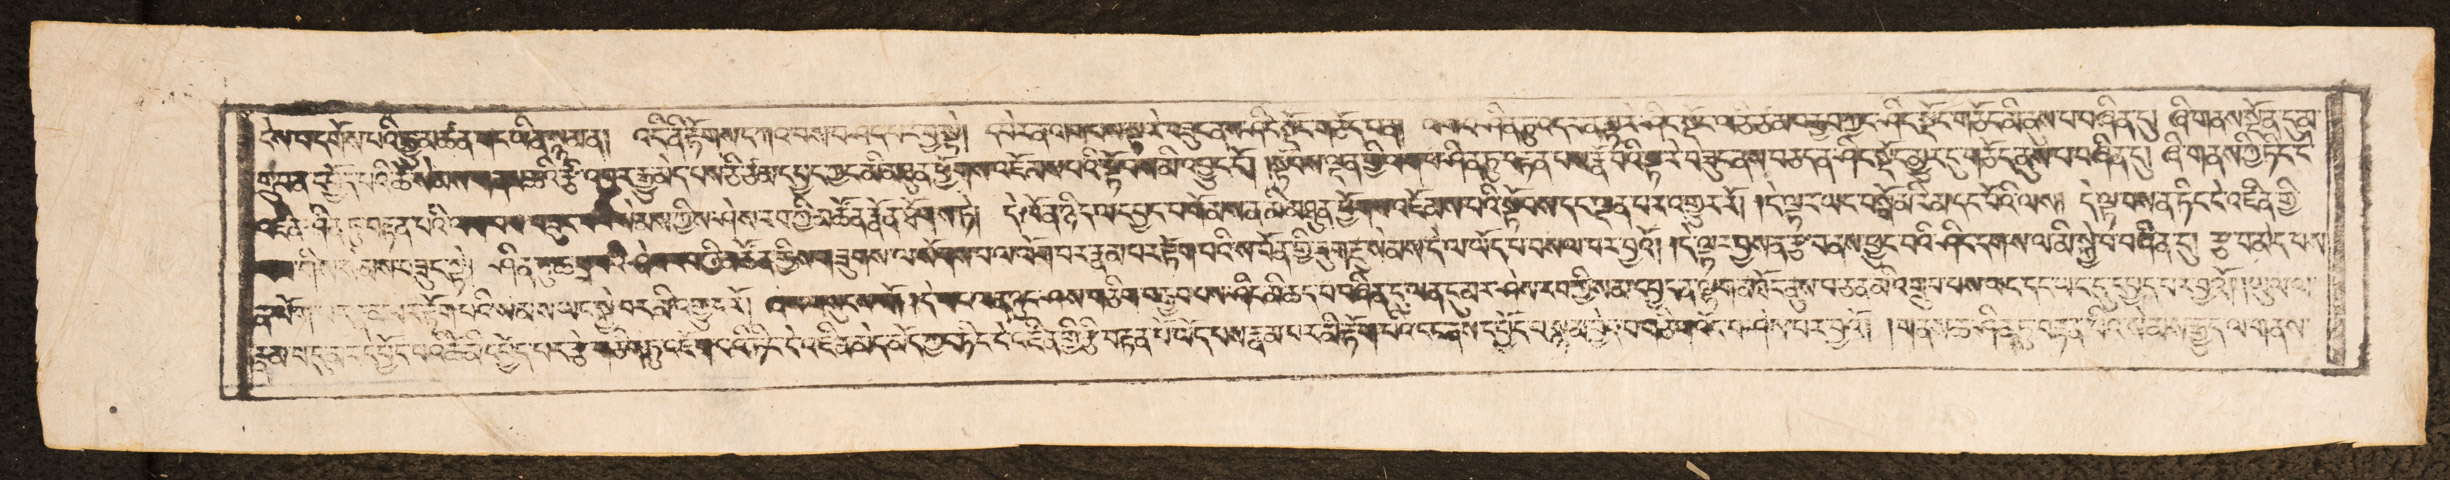ངེས་པ་དགོས་པའི་རྒྱུ་མཚན་གང་ཡིན་སྙམ་ན། འདི་ནི་རྟོགས་དཀའ་བས་བཤད་པར་བྱ་སྟེ། དཔེར་ན་ལག་པས་སྟ་རེ་བཟུང་ནས་ཤིང་སྡོང་གཅོད་པ་ན། ལག་པ་ཤིན་ཏུ་འདར་ན་སྟ་རེ་ཤིང་སྡོང་ལ་ཅི་ཙམ་བརྒྱབ་ཀྱང་ཤིང་སྡོང་གཅོད་མི་ནུས་པ་བཞིན་དུ། ཞི་གནས་སྔོན་དུ་མ་
གྲུབ་ན་དཔྱོད་པའི་ཆོས་སེམས་གནས་ཆའི་རྩི་འབྱར་རྒྱུ་མེད་པས་ཅི་ཙམ་དཔྱད་ཀྱང་མི་མཐུན་ཕྱོགས་འཇོམས་པའི་སྟོབས་མི་འབྱུང་ངོ། །སྟོབས་ལྡན་གྱི་ལག་པ་ཤིན་ཏུ་བརྟན་པས་རྣོ་བའི་སྟ་རེ་བཟུང་ནས་བཅད་ན་ཤིང་སྡོང་མྱུར་དུ་གཅོད་ནུས་པ་བཞིན་དུ། ཞི་གནས་ཀྱི་ཏིང་ངེ་
འཛིན་ཤིན་ཏུ་བརྟན་པའི་ལག་པས་བཟུང་བའི་སེམས་ཀྱིས་ཤེས་རབ་ཀྱི་མཚོན་རྣོན་ཐོགས་ཏེ། དེ་ཁོ་ན་ཉིད་ལ་དཔྱད་པ་གོམས་ན་མི་མཐུན་ཕྱོགས་འཇོམས་པའི་སྟོབས་དང་ལྡན་པར་འགྱུར་རོ། །དེ་ལྟར་ཡང་བསྒོམ་རིམ་དང་པོའི་ལས། དེ་ལྟ་བས་ན་ཏིང་ངེ་འཛིན་གྱི་
ལག་གིས་སེམས་བཟུང་སྟེ། ཤིན་ཏུ་ཆ་ཕྲ་བའི་ཤེས་རབ་ཀྱི་མཚོན་གྱིས་གཟུགས་ལ་སོགས་པ་ལ་ལོག་པར་རྣམ་པར་རྟོག་པའི་ས་བོན་གྱི་ཟུག་རྔུ་སེམས་དེ་ལ་ཡོད་པ་བསལ་བར་བྱའོ། །དེ་ལྟར་བྱས་ན་རྩ་བ་ནས་ཕྱུང་བའི་ཤིང་དག་ས་ལ་མི་སྐྱེ་བ་བཞིན་དུ། རྩ་བ་མེད་པས་
ན་ལོག་པར་རྣམ་པར་རྟོག་པའི་སེམས་ཡང་སྐྱེ་བར་མི་འགྱུར་རོ། ཞེས་གསུངས་སོ། །དེ་ཡང་ལན་ཉུང་ཤས་གཅིག་བརྒྱབ་པས་ཤིང་མི་ཆད་པ་བཞིན་དུ་ལན་དུ་མར་ཤེས་རབ་ཀྱིས་མ་དཔྱད་ན་ལྷག་མཐོང་ནུས་པ་ཅན་མི་འགྲུབ་པས་ཡང་དང་ཡང་དུ་དཔྱད་པར་བྱའོ། །ཡུལ་ལ་
རྣམ་པ་དུ་མར་དཔྱོད་པའི་ཚེ་མི་དཔྱོད་པར་རྩེ་གཅིག་ཏུ་འཇོག་པའི་ཏིང་ངེ་འཛིན་མེད་མོད་ཀྱང་ཏིང་ངེ་འཛིན་གྱི་རྩི་བརྟན་པོ་ཡོད་པས་རྣམ་པར་མི་རྟོག་པའི་དང་ནས་དཔྱོད་པ་སྙམ་བྱེད་པ་གཅིག་འོང་བ་ཤེས་པར་བྱའོ། །གནས་ཆ་ཤིན་ཏུ་བརྟན་པའི་སེམས་རྒྱུད་ལ་གནས་